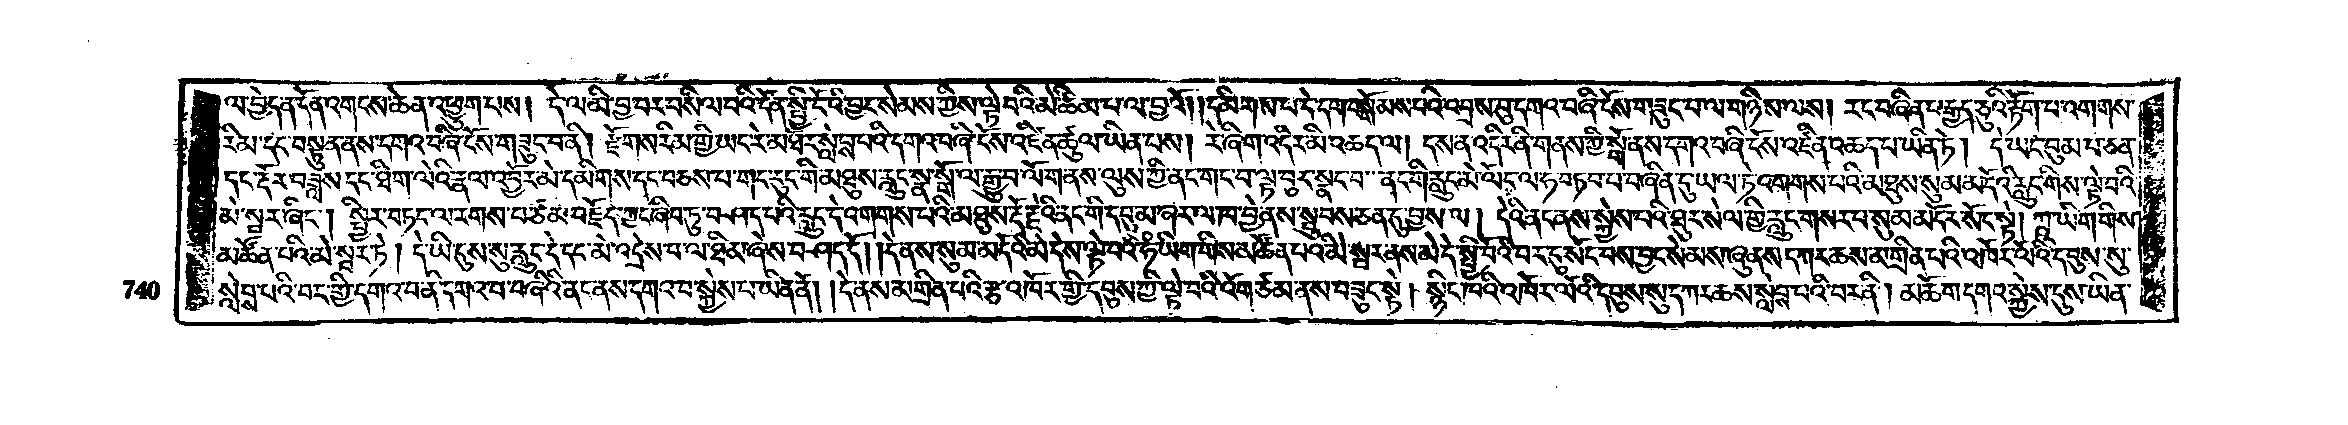ལ་བྱེད་ན་དོན་འགངས་ཆེན་འཕྱུག་པས། དེ་ལ་མི་བྱ་བར་བསིལ་བའི་དོན་སྤྱི་བོའི་བྱང་སེམས་ཀྱིས་ལྟེ་བའི་མེ་ཚིམ་པ་ལ་བྱའོ། །དམིགས་པ་དེ་དག་བསྒོམས་པའི་འབྲས་བུ་དགའ་བཞི་ངོས་གཟུང་བ་ལ་གཉིས་ལས། རང་བཞིན་བརྒྱད་ཅུའི་རྟོག་པ་འགགས་
རིམ་དང་བསྟུན་ནས་དགའ་བཞི་ངོས་གཟུང་བ་ནི། རྫོགས་རིམ་གྱི་ཡང་རེ་མཐོར་སླེབས་པའི་དགའ་བཞི་ངོས་འཛིན་ཚུལ་ཡིན་པས། རེ་ཞིག་འདིར་མི་འཆད་ལ། དེས་ན་འདིར་ནི་གནས་ཀྱི་སྒོ་ནས་དགའ་བཞི་ངོས་འཛིན་འཆད་པ་ཡིན་ཏེ། དེ་ཡང་བུམ་པ་ཅན་
དང་རྡོར་བཟླས་དང་ཐིག་ལེའི་རྣལ་འབྱོར་མེ་དམིགས་དང་བཅས་པ་གང་རུང་གི་མཐུས་རླུང་སྣ་སྒོ་ལ་རྒྱུ་བ་ལོག་ནས་ལུས་ཀྱི་ནང་གང་བ་ལྟ་བུར་སྣང་བ་ནང་གི་རླུང་མེ་ལོང་ལ་ཧ་བཏབ་པ་བཞིན་དུ་ཡལ་ཏེ་འགགས་པའི་མཐུས་སུམ་མདོའི་རླུང་གིས་ལྟེ་བའི་
མེ་སྦར་ཞིང་། སྤྱིར་བཏང་ལ་རགས་པ་ཙམ་བརྗོད་ཀྱང་ཞིབ་ཏུ་བཤད་པའི་རླུང་དེ་འགགས་པའི་མཐུས་རྡོ་རྗེའི་ནང་གི་དབུ་མ་ཞར་ལ་ཁ་བྱེ་ནས་སྦུབས་ཅན་དུ་བྱས་ལ། དེའི་ནང་ནས་སྐྱེས་པའི་ཐུར་སེལ་གྱི་རླུང་གསར་པ་སུམ་མདོར་སོང་སྟེ། ཀྵ་ཡིག་གིས་
མཚོན་པའི་མེ་སྦར་ཏེ། དེ་ཡི་དུས་སུ་རླུང་དེ་དང་མེ་འདྲེས་པ་ལ་ཐིམ་ཞེས་བཤད་དོ། །དེ་ནས་སུམ་མདོའི་མེ་དེས་ལྟེ་བའི་ཧཾ་ཡིག་གིས་མཚོན་པའི་མེ་སྤར་ནས་མེ་དེ་སྤྱི་བོའི་བར་དུ་སོང་བས་བྱང་སེམས་ཞུ་ནས་དཀར་ཆས་མགྲིན་པའི་འཁོར་ལོའི་དབུས་སུ་
སླེབས་པའི་བར་གྱི་དགའ་བ་ནི་དགའ་བ་བཞིའི་ནང་ནས་དགའ་བ་སྐྱེས་པ་ཡིན་ནོ། །དེ་ནས་མགྲིན་པའི་རྩ་འཁོར་གྱི་དབུས་ཀྱི་ལྟེ་བའི་འོག་ཙམ་ནས་བཟུང་སྟེ། སྙིང་ཁའི་འཁོར་ལོའི་དབུས་སུ་དཀར་ཆས་སླེབས་པའི་བར་ནི། མཆོག་དགའ་སྐྱེས་དུས་ཡིན་